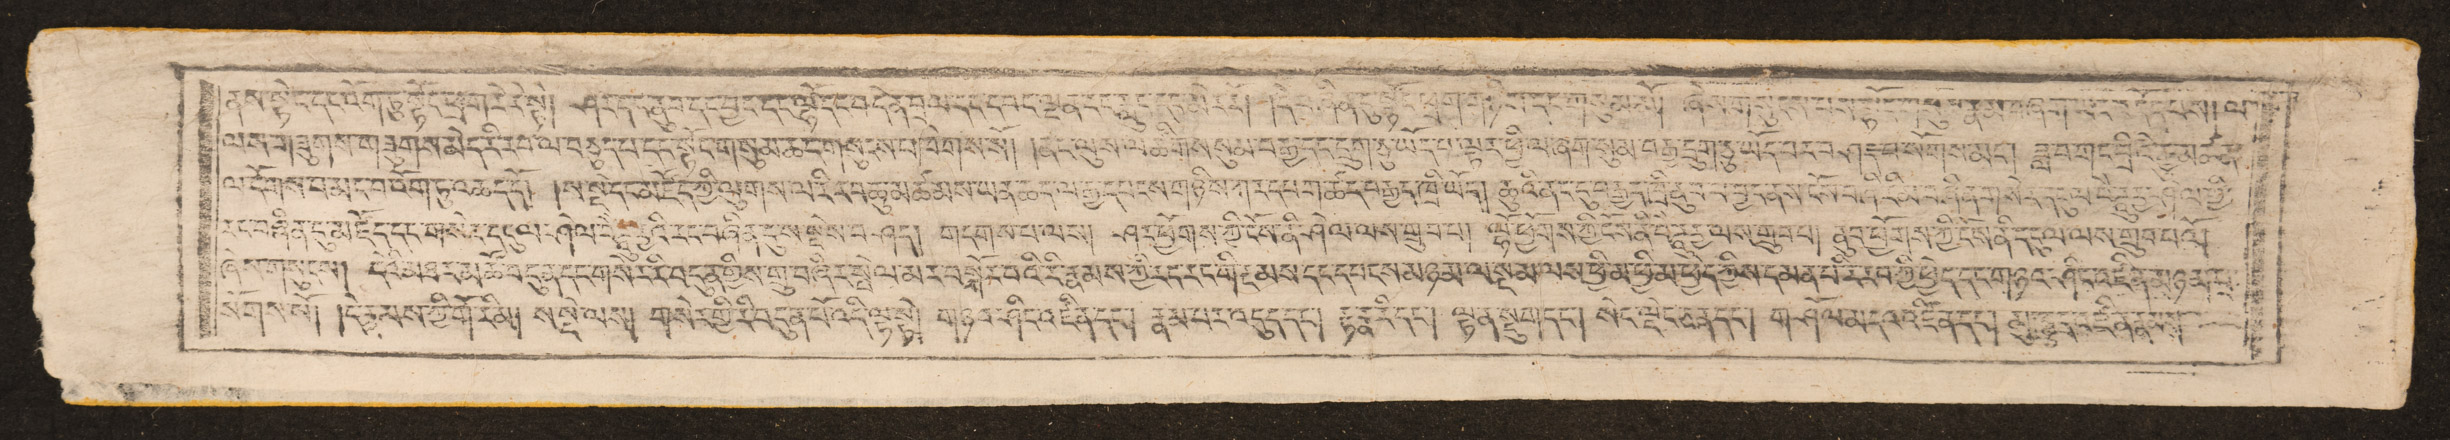ནས་སྟེང་དང་འོག་ཏུ་སྟོང་ཕྲག་རེ་རེ་སྟེ། ཤར་དང་ནུབ་དང་བྱང་དང་ལྷོ་དང་བདེན་བྲལ་དང་དབང་ལྡན་དང་རླུང་དང་མེར་རོ། །དེ་བཞིན་དུ་སྟོང་ཕྲག་གཉིས་དང་གསུམ་མོ། ཞེས་གསུངས་པས་སྟོང་གསུམ་རྣམ་བཞག་ཡང་འདོད་པས། ལ་
ལས་གཟུགས་གཟུགས་མེད་རི་རབ་ལ་བཅུད་པ་དང་སྟོང་གསུམ་ཆང་གསུངས་པ་ཁེགས་སོ། །ནང་ལུས་ལ་ཚིགས་སུམ་བརྒྱ་དང་དྲུག་ཅུ་ལོང་པ་ལྟར་ཕྱི་ལ་ཞག་སུམ་བརྒྱ་དྲུག་ཅུ་ཡོད་པར་བཤད་པ་སོགས་མང་། ཟླ་བ་གང་བྲིའི་རྒྱུ་མཚན་
ལ་དོགས་པ་མང་བ་འོག་ཏུ་འཆད་དོ། །ས་སྡེ་དང་མཛོད་ཀྱི་ལུགས་ལ་རི་རབ་ཆུ་མཚམས་ཡན་ཆད་ལ་རྒྱ་དཔངས་གཉིས་ཀར་དཔག་ཚད་བརྒྱད་ཁྲི་ཡོད། ཆུའི་ནང་དུ་བརྒྱད་ཁྲི་ནུབ་པ་བྱང་ནས་ངོས་བཞི་རིམ་བཞིན་གསེར་དངུལ་བཻ་ཌཱུརྱ་ཤེལ་གྱི་
རང་བཞིན་དུ་མཛོད་དང་གསེར་དངུལ་ཤེལ་བཻ་ཌཱུརྱའི་རང་བཞིན་དུས་སྡེས་བཤད། གདགས་པ་ལས། ཤར་ཕྱོགས་ཀྱི་ངོས་ནི་ཤེལ་ལས་གྲུབ་པ། ལྷོ་ཕྱོགས་ཀྱི་ངོས་ནི་བཻ་ཌཱུརྱ་ལས་གྲུབ་པ། ནུབ་ཕྱོགས་ཀྱི་ངོས་ནི་དངུལ་ལས་གྲུབ་པའོ།
ཞེས་གསུངས། དེའི་མཐར་མཚོ་བདུན་དང་གསེར་རི་བདུན་གྱིས་གྲུ་བཞིར་སྤེལ་མར་བསྐོར་བའི་རི་རྣམས་ཀྱི་རང་རང་གི་རྔམས་དང་དཔངས་མཉམ་ལ་སྔ་མ་ལས་ཕྱི་མ་ཕྱི་མ་ཕྱེད་ཀྱིས་དམན་པ་རི་རབ་ཀྱི་ཕྱེད་དང་གཉའ་ཤིང་འཛིན་མཉམ་པ་
སོགས་སོ། །དེ་རྣམས་ཀྱི་གོ་རིམ། ས་སྡེ་ལས། གསེར་གྱི་རི་བདུན་པོ་འདི་ལྟ་སྟེ། གཉའ་ཤིང་འཛིན་དང་། རྣམ་པར་འདུད་དང་། རྟ་རྣ་རི་དང་། ལྟ་ན་སྡུག་དང་། སེང་ལྡེང་ཅན་དང་། གཤོལ་མདའ་འཛིན་དང་། མུ་ཁྱུད་འཛིན་རྣམས་